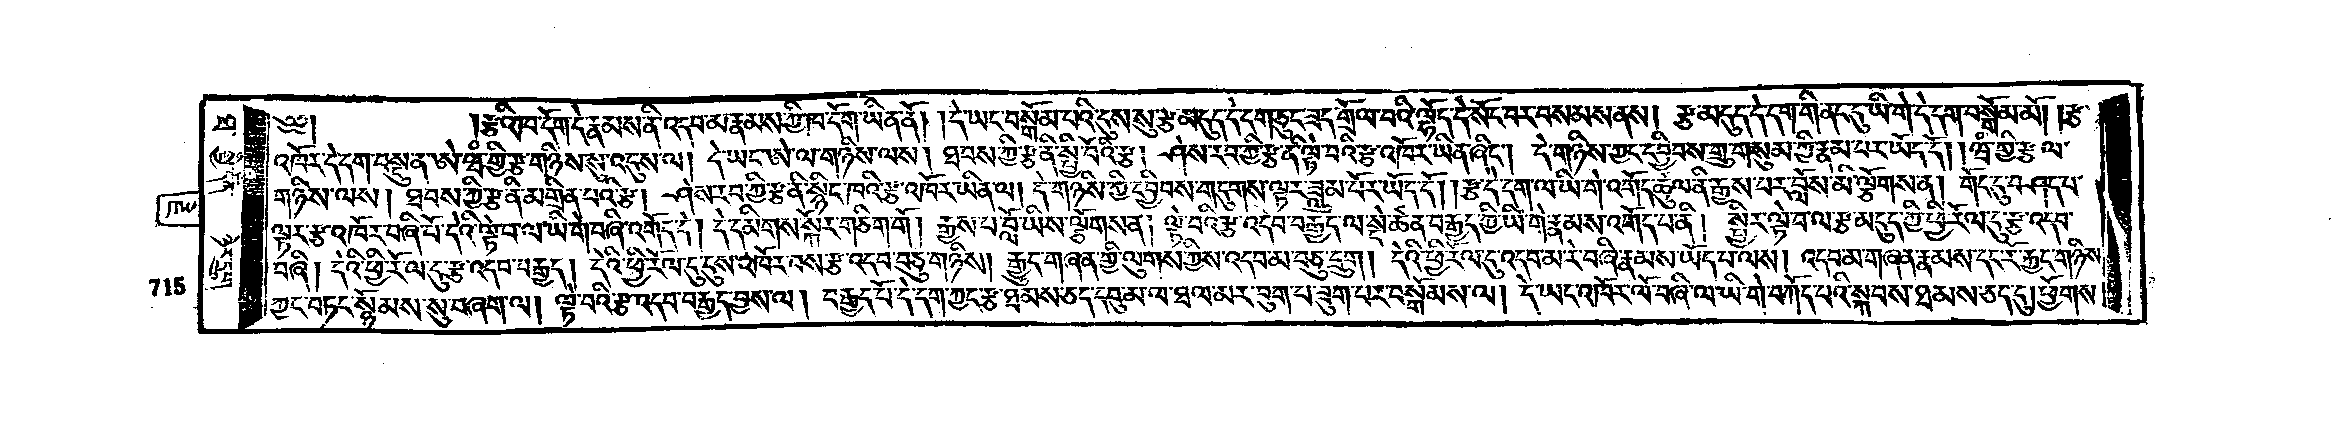༄༅། །རྩའི་ཁ་དོག་དེ་རྣམས་ནི་འདབ་མ་རྣམས་ཀྱི་ཁ་དོག་ཡིན་ནོ། །དེ་ཡང་བསྒོམ་པའི་དུས་སུ་རྩ་མདུད་དེ་དག་ཅུང་ཟད་གྲོལ་བའི་ལྷོད་དེ་སོང་བར་བསམས་ནས། རྩ་མདུད་དེ་དག་གི་ནང་དུ་ཡི་གེ་དེ་དག་བསྒོམ་མོ། །རྩ་
འཁོར་དེ་དག་བསྡུ་ན་ཨེ་ཝཾ་གྱི་རྩ་གཉིས་སུ་འདུས་ལ། དེ་ཡང་ཨེ་ལ་གཉིས་ལས། ཐབས་ཀྱི་རྩ་ནི་སྤྱི་བོའི་རྩ། ཤེས་རབ་ཀྱི་རྩ་ནི་ལྟེ་བའི་རྩ་འཁོར་ཡིན་ཞིང་། དེ་གཉིས་ཀྱང་དབྱིབས་གྲུ་གསུམ་ཀྱི་རྣམ་པར་ཡོད་དོ། །ཝཾ་གྱི་རྩ་ལ་
གཉིས་ལས། ཐབས་ཀྱི་རྩ་ནི་མགྲིན་པའི་རྩ། ཤེས་རབ་ཀྱི་རྩ་ནི་སྙིང་ཁའི་རྩ་འཁོར་ཡིན་ལ། དེ་གཉིས་ཀྱི་དབྱིབས་གདུགས་ལྟར་ཟླུམ་པོར་ཡོད་དོ། །རྩ་དེ་དག་ལ་ཡི་གེ་འགོད་ཚུལ་ནི་རྒྱས་པར་བློས་མི་ལྕོགས་ན། གོང་དུ་བཤད་པ་
ལྟར་རྩ་འཁོར་བཞི་པོ་དེའི་ལྟེ་བ་ལ་ཡི་གེ་བཞི་འགོད་དེ། དེ་དམིགས་སྐོར་གཅིག་གོ། རྒྱས་པ་བློ་ཡིས་ལྕོགས་ན། ལྟེ་བའི་རྩ་འདབ་བརྒྱད་ལ་སྡེ་ཚན་བརྒྱད་ཀྱི་ཡི་གེ་རྣམས་འགོད་པ་ནི། སྤྱིར་ལྟེ་བ་ལ་རྩ་མདུད་ཀྱི་ཕྱི་རོལ་དུ་རྩ་འདབ་
བཞི། དེའི་ཕྱི་རོལ་དུ་རྩ་འདབ་བརྒྱད། དེའི་ཕྱི་རོལ་དུ་དུས་འཁོར་བས་རྩ་འདབ་བཅུ་གཉིས། རྒྱུད་གཞན་གྱི་ལུགས་ཀྱིས་འདབ་མ་བཅུ་དྲུག། དེའི་ཕྱི་རོལ་དུ་འདབ་མ་རེ་བཞི་རྣམས་ཡོད་པ་ལས། འདབ་མ་གཞན་རྣམས་དང་རོ་རྐྱང་གཉིས་
ཀྱང་བཏང་སྙོམས་སུ་བཞག་ལ། ལྟེ་བའི་རྩ་འདབ་བརྒྱད་བྱས་ལ། བརྒྱད་པོ་དེ་དག་ཀྱང་རྩ་ཐམས་ཅད་དབུ་མ་ལ་ཐལ་མར་བུག་པ་ཟུག་པར་བསྒོམས་ལ། དེ་ཡང་འཁོར་ལོ་བཞི་ལ་ཡི་གེ་བཀོད་པའི་སྐབས་ཐམས་ཅད་དུ། ཕྱོགས་